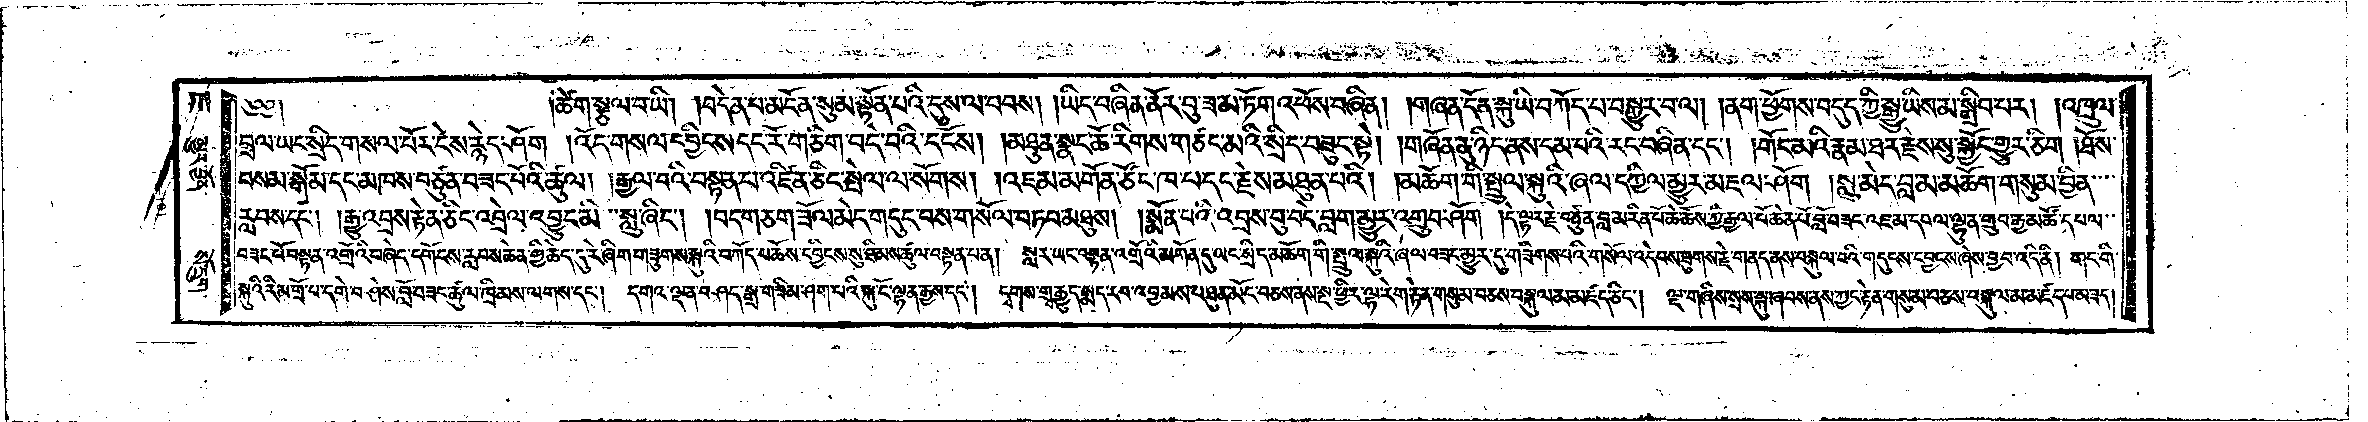༄༅། །ཚིག་སྩལ་བ་ཡི། །བདེན་པ་མངོན་སུམ་སྟོན་པའི་དུས་ལ་བབས། །ཡིད་བཞིན་ནོར་བུ་ཟ་མ་ཏོག་འཕོས་བཞིན། །གཞན་དོན་སྐུ་ཡི་བཀོད་པ་བསྒྱུར་བ་ལ། །ནག་ཕྱོགས་བདུད་ཀྱི་སྒྱུ་ཡིས་མ་སྒྲིབ་པར། །འཁྲུལ་
བྲལ་ཡང་སྲིད་གསལ་བོར་དེས་རྙེད་ཤོག །འོད་གསལ་དབྱིངས་དང་རོ་གཅིག་བདེ་བའི་དངོས། །མཐུན་སྣང་ཆོ་རིགས་གཙང་མའི་སྲིད་བཟུང་སྟེ། །གཞོན་ནུ་ཉིད་ནས་དམ་པའི་རང་བཞིན་དང་། །གོང་མའི་རྣམ་ཐར་རྗེས་སུ་སྐྱོང་གྱུར་ཅིག །ཐོས་
བསམ་སྒོམ་དང་མཁས་བཙུན་བཟང་པོའི་ཚུལ། །རྒྱལ་བའི་བསྟན་པ་འཛིན་ཅིང་སྤེལ་ལ་སོགས། །འཇམ་མགོན་ཙོང་ཁ་པ་དང་རྗེས་མཐུན་པའི། །མཆོག་གི་སྤྲུལ་སྐུའི་ཞལ་དཀྱིལ་མྱུར་མཇལ་ཤོག །སླུ་མེད་བླ་མ་མཆོག་གསུམ་བྱིན་
རླབས་དང་། །རྒྱུ་འབྲས་རྟེན་ཅིང་འབྲེལ་འབྱུང་མི་བསླུ་ཞིང་། །བདག་ཅག་ཟོལ་མེད་གདུང་བས་གསོལ་བཏབ་མཐུས། །སྨོན་པའི་འབྲས་བུ་བདེ་བླག་མྱུར་འགྲུབ་ཤོག །དེ་ལྟར་རྗེ་བཙུན་བླ་མ་རིན་པོ་ཆེ་ཆོས་ཀྱི་རྒྱལ་པོ་ཆེན་བོ་བློ་བཟང་འཇམ་དཔལ་ལྷུན་གྲུབ་རྒྱ་མཚོ་དཔལ་
བཟང་པོ་བསྟན་འགྲོའི་བཞེད་དགོངས་རླབས་ཆེན་གྱི་ཆེད་དུ་རེ་ཞིག་གཟུགས་སྐུའི་བཀོད་པ་ཆོས་དབྱིངས་སུ་ཐིམས་ཚུལ་བསྟན་པ་ན། སླར་ཡང་བསྟན་འགྲོའི་མགོན་དུ་ཡང་སྲིད་མཆོག་གི་སྤྲུལ་སྐུའི་ཞལ་བཟང་མྱུར་དུ་གཟིགས་བའི་གསོལ་འདེབས་ཐུགས་རྗེ་གནད་ནས་བསྐུལ་བའི་གདུངས་དབྱངས་ཞེས་བྱ་བ་འདི་ནི། གང་གི་
སྐུའི་རིམ་གྲོ་པ་དགེ་བཤེས་བློ་བཟང་ཚུལ་ཁྲིམས་ལགས་དང་། དགའ་ལྡན་བཤད་སྒྲ་གཟིམ་ཤག་པའི་སྐུ་ངོ་ལྷན་རྒྱས་དང་། དྭགས་གྲྭ་རྒྱུད་སྨད་རབ་འབྱམས་པ་ཐུན་མོང་བཅས་ནས་སྔ་ཕྱིར་ལྷ་རེག་རྟེན་གསུམ་བཅས་བསྐུལ་མ་མཛད་ཅིང་། ལྔ་གཞིས་སྲས་སྐུ་ཞབས་ནས་ཀྱང་རྟེན་གསུམ་བཅས་བསྐུལ་མ་མཛད་པ་མ་ཟད།